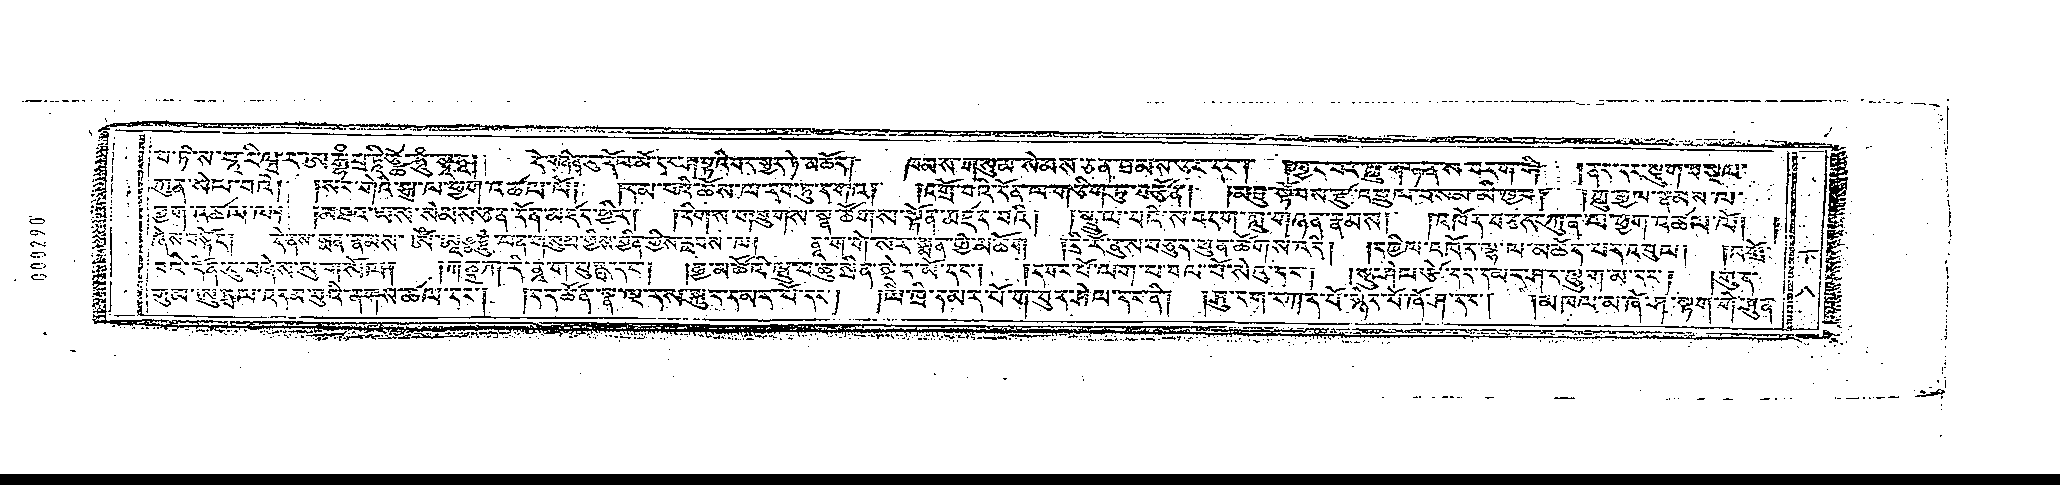པ་ཏི་ས་པཱ་རི་ཝ་ར་ཨགྷཾ་པྲ་ཏཱི་ཙྪ་ཧཱུཾ་སྭཱཧཱ། །དེ་བཞིན་དུ་རོལ་མོ་དང་ཤཔྟའི་བར་སྦྱར་ཏེ་མཆོད། །ཁམས་གསུམ་སེམས་ཅན་ཐམས་ཅད་དང་། །ཁྱད་པར་ཀླུ་གཉན་ས་བདག་གི །ནད་དང་སྡུག་བསྔལ་
ཀུན་སེལ་བའི། །སེང་གེའི་སྒྲ་ལ་ཕྱག་འཚལ་ལོ། །དམ་པའི་ཆོས་ལ་རབ་ཏུ་དགའ། །འགྲོ་བའི་དོན་ལ་གཅིག་ཏུ་བརྩོན། །མཐུ་སྟོབས་རྫུ་འཕྲུལ་བསམ་མི་ཁྱབ། །ཀླུ་རྒྱལ་རྣམས་ལ་
ཕྱག་འཚལ་ལོ། །མཐའ་ཡས་སེམས་ཅན་དོན་མཛད་ཕྱིར། །རིགས་གཟུགས་སྣ་ཚོགས་སྟོན་མཛད་པའི། །སྤྲུལ་པའི་ས་བདག་ཀླུ་གཉན་རྣམས། །འཁོར་བཅས་ཀུན་ལ་ཕྱག་འཚལ་ལོ། །
ཞེས་བསྟོད། དེ་ནས་སྨན་རྣམས་ཨོཾ་ཨཱཿ ཧཱུཾ་ལན་གསུམ་གྱིས་བྱིན་གྱིས་རླབས་ལ། །ནཱ་ག་གེ་སར་སྨན་གྱི་མཆོག །དྲི་རོ་ནུས་བཅུད་ཕུན་ཚོགས་འདི། །དཀྱིལ་འཁོར་ལྷ་ལ་མཆོད་པར་འབུལ། །འགྲོ་
བའི་དོན་དུ་བཞེས་སུ་གསོལ། །ཀཎྚ་ཀ་རི་ནཱ་ག་པུཥྤ་དང་། །རྒྱ་མཚོའི་ལྦུ་བ་ཆུ་སྲིན་སྡེར་མོ་དང་། །དབང་པོ་ལག་པ་བལ་བོ་སེའུ་དང་། །སྤུ་ཤེལ་རྩེ་དང་དམར་ཤང་ལྕུག་མ་དང་། །གུར་
ཨུདྲལ་འདམ་བུའི་ནགས་ཚལ་དང་། །དར་ཚོན་སྣ་ལྔ་རས་སྐུད་དམར་པོ་དང་། །ལི་ཁྲི་དམར་པོ་ག་བུར་ཤེལ་དང་ནི། །ཤུ་དག་དཀར་པོ་སྙེད་པོ་ཞོ་ཤ་དང་། །མཁལ་མ་ཞོ་ཤ་སྟག་གི་ཤུན་